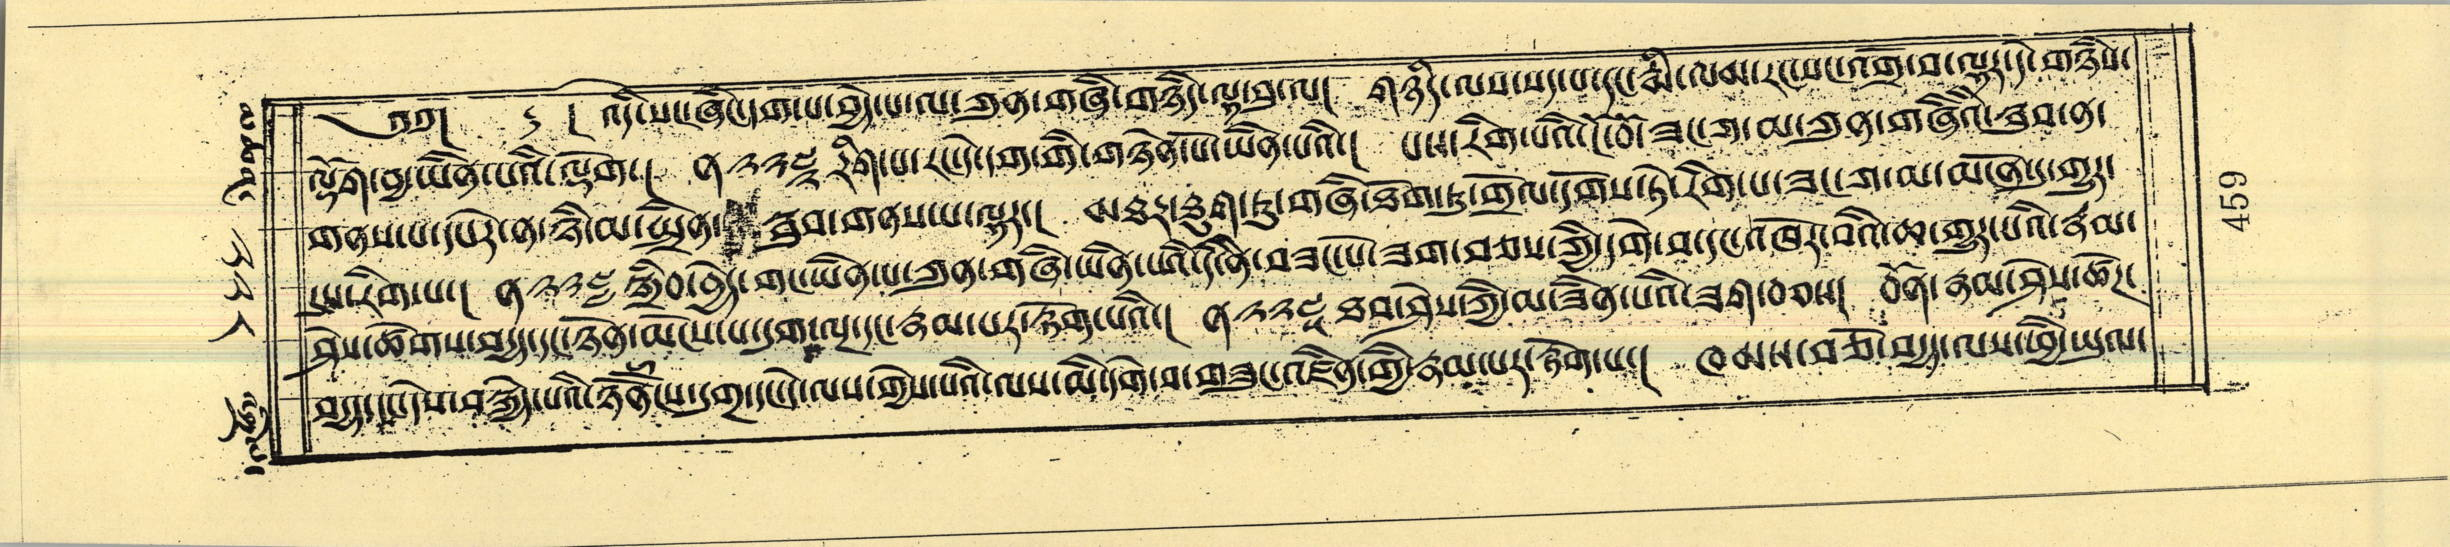འདི་སངས་ཤིང་དག་པར་བྱེད་པ་ལ་ཀུན་གཞི་གཉིད་ལྟ་བུ་ལ་༼གཉིད་༽ལས་སད་པ་དང་༼རྨི་ལམ་༽རང་སར་འགྲོ་བ་ལྟ་བུ་དེ་གཉིས་
༼ལྡོག་བྱ༽ཡིན་པས་ལྡོག་ན༢༢༤།༢༼རིག་པ༽རང་དེ་དག་ནི་གཉེན་པོ་ཡིན་པའི་༼པས༽རིག་པའི་༼ངོ་བོ༽ཟང་ཀ་མ་ཀུན་གཞིའི་སྦུབས་ན་
གནས་པ་དཔེར་ན་ཉི་མ་སྤྲིན་སྦུབ་གནས་པ་ལྟར་༼མཐར་ཐུག་ཏུ༽གཞི་ཐོག་ཏུ་གྲོལ་དགོས་ཏེ་རིག་པ་ཟང་ཀ་མ་མངོན་དུ་གྱུར་
དུས་རིག་པ་ན༢༢༤།༤༼སྒྲིབ་བྱེད༽གང་ཡིན་པ་ཀུན་གཞི་ཡིན་པའི་དེ་ནི་བཟང་པོ་ཟག་བཅས་ཀྱི་དགེ་བ་དང་འཁོར་བའི་ཆ་གྱུར་པའི་རྣམ་
ཤེས་ཚོགས་བརྒྱད་དང་ཉོན་མོངས་པ་དུག་ལྔ་དང་རྣམ་པར་རྟོག་པའི་ན༢༢༤།༥ཐབས་ཤེས་ཀྱིས་མ་ཟིན་པའི་༼ཟག་བཅས༽༼བོན༽རྣམ་ཤེས་ཚོགས་
བརྒྱད་དང་དེས་བསྐྱེད་འི་ཉོན་མོངས་དུག་ལྔ་དང་དེ་ལས་གྱེས་པའི་ལས་མི་དགེ་བ་གཟུང་འཛིན་གྱི་རྣམ་པར་རྟོག་པ་༼ཁམས་༽བཅོ་བརྒྱད་ལས་ཕྱི་ཡུལ་